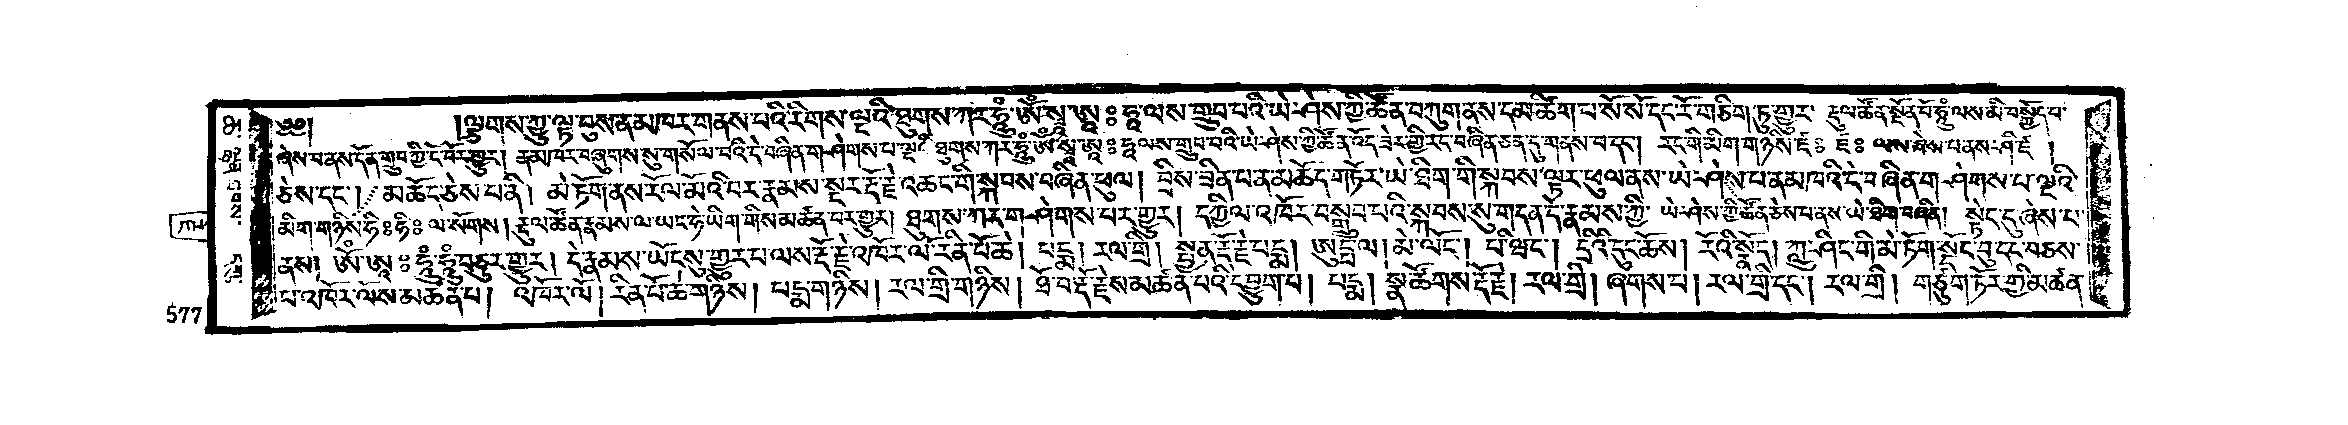༄༅། །ལྕགས་ཀྱུ་ལྟ་བུས་ནམ་མཁར་གནས་པའི་རིགས་ལྔའི་ཐུགས་ཀར་ཧཱུཾ་ཨོཾ་སྭཱ་ཨཱཿ ཧཱ་ལས་གྲུབ་པའི་ཡེ་ཤེས་ཀྱི་ཚོན་བཀུག་ནས་དམ་ཚིག་པ་སོ་སོ་དང་རོ་གཅིག་ཏུ་གྱུར་རྡུལ་ཚོན་སྔོན་པོ་ཧཱུཾ་ལས་མི་བསྐྱོད་པ་
ཞེས་བ་ནས་དོན་གྲུབ་ཀྱི་ངོ་བོར་གྱུར། ནམ་མཁར་བཞུགས་སུ་གསོལ་བའི་དེ་བཞིན་གཤེགས་པ་ལྔའི་ཐུགས་ཀར་ཧཱུཾ་ཨོཾ་སྭཱ་ཧཱཿ ཧཱུཾ་ལས་གྲུབ་པའི་ཡེ་ཤེས་ཀྱི་ཚོན་འོད་ཟེར་གྱི་རང་བཞིན་ཅན་དུ་གནས་པ་དང་། རང་གི་མིག་གཉིས་ཛཿ ཛཿ ལས་ཞེས་པ་ནས་ཤི་ཛ།
ཅེས་དང་། མཆོད་ཅེས་པ་ནི། མེ་ཏོག་ནས་རོལ་མོའི་བར་རྣམས་སྔར་རྡོ་རྗེ་འཆང་གི་སྐབས་བཞིན་ཕུལ། བྲིས་ཟིན་པ་ན་མཆོད་གཏོར་ཡེ་ཐིག་གི་སྐབས་ལྟར་ཕུལ་ནས་ཡེ་ཤེས་པ་ནམ་མཁའི་དེ་བཞིན་གཤེགས་པ་ལྔའི་
མིག་གཉིས་ཧིཿ ཧིཿ ལ་སོགས། རྡུལ་ཚོན་རྣམས་ལ་ཡང་ཧེ་ཡིག་གིས་མཚན་པར་གྱུར། ཐུགས་ཀར་གཤེགས་པར་གྱུར། དཀྱིལ་འཁོར་བསྒྲུབ་པའི་སྐབས་སུ་གདན་དེ་རྣམས་ཀྱི་ཡེ་ཤེས་ཀྱི་ཚོན་ཅེས་པ་ནས་ཡེ་ཐིག་བཞིན། སྟེང་དུ་ཞེས་པ་
ནས། ཨོཾ་ཨཱཿ ཧཱུཾ་ཧཱུཾ་བཅུར་གྱུར། དེ་རྣམས་ཡོངས་སུ་གྱུར་པ་ལས་རྡོ་རྗེ་འཁོར་ལོ་རིན་པོ་ཆེ། པདམ། རལ་གྲི། སྤྱན་རྡོ་རྗེ་པྡམ། ཨུཌྤལ། མེ་ལོང་། པ་ཝིང་། དྲིའི་དུང་ཆོས། རོའི་སྣོད། ཀླུ་ཤིང་གི་མེ་ཏོག་སྡོང་བུ་དང་བཅས་
པ་འཁོར་ལོས་མཚན་པ། འཁོར་ལོ། རིན་པོ་ཆེ་གཉིས། པདམ་གཉིས། རལ་གྲི་གཉིས། ཐོ་བ་རྡོ་རྗེས་མཚན་པའི་དབྱུག་པ། པདམ། སྣ་ཚོགས་རྡོ་རྗེ། རལ་གྲི། ཞགས་པ། རལ་གྲི་དང་། རལ་གྲི། གཙུག་ཏོར་གྱི་མཚན་